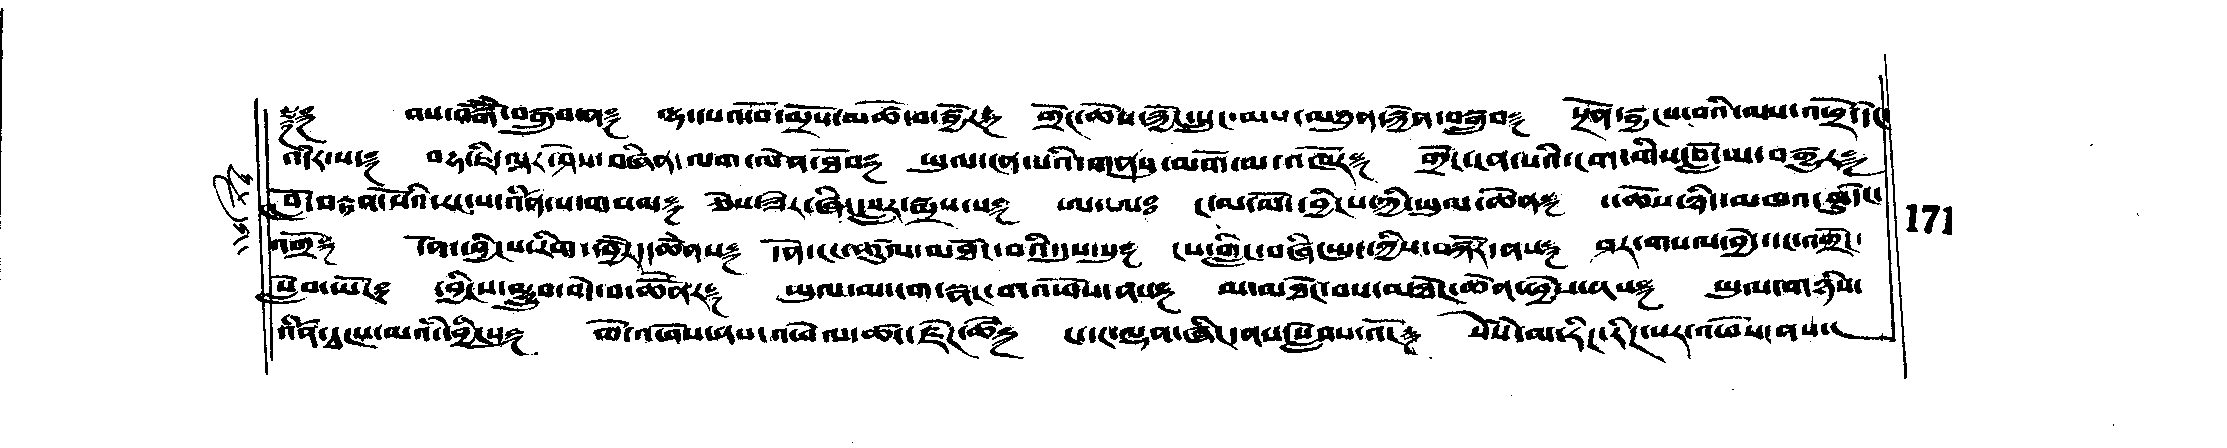ནས་བསྒོམ་བསྒྲུབ་ན། །ལྷ་དཔའ་བོ་མཁའ་འགྲོས་འཚོ་བ་སྦྱོར། །གྲོགས་ཆོས་སྐྱོང་སྲུང་མས་མཐུན་རྐྱེན་བསྒྲུབ། །སྔོན་སྦྱངས་བའི་ལས་འཕྲོ་དེང་
འདིར་སད། །བརྡ་ཇི་ལྟར་ཤེས་བཞིན་ལག་ལེན་ཐོབ། །ཡུལ་ངན་པའི་གནས་སུ་མགོ་མ་འཁོར། །གྲོགས་ངན་པའི་ངག་གིས་བློ་མ་བསྒྱུར། །
བློ་བརྟན་པོའི་རང་ས་འཛིན་པ་གསལ༼གལ?༽། །ཅེས་ཟེར་ཞིང་སླར་སྨྲས་པ། ཨ་ཨཿ ང་མ་མོ་དབྱིངས་ཀྱི་ཡུལ་༼ཡུམ?༽ཆེན། །ད་ཆོས་ཉིད་མཁའ་རུ་དེང་
འགྲོ། །དོན་དབྱིངས་རིག་དབྱེར་མེད་ཆེན་པོ་ནས། །དོན་ངང་ཚུལ་མཐོང་བའི་དུས་སུ། །ངས་གླིང་བཞི་ཡུད་ཀྱིས་བསྐོར་ནས། །ཤར་གསལ་བྱེད་དང་འགྲོགས་
བསླེབ་ཡོང་། །དབྱིངས་ལྷུན་གྲུབ་བདེ་བ་ཆེན་པོར། །ཡུལ་མ་དག་སྣང་བ་འཕོས་ནས། །མ་མཐོང་བས་མཐོང་ཆེན་ཕྱེས་ནས། །ཡུལ་གཉིས་
འཛིན་དྭངས་མའི་དབྱིངས་སུ། །གོ་འཕོས་ནས་འཕེལ་ཚད་རྫོགས་ཚེ། །ང་ལྔ་ལྡན་ཞིང་ནས་བསླེབ་འོང་། །སེམས་མ་རིག་རིག་པར་འཕོས་ནས།